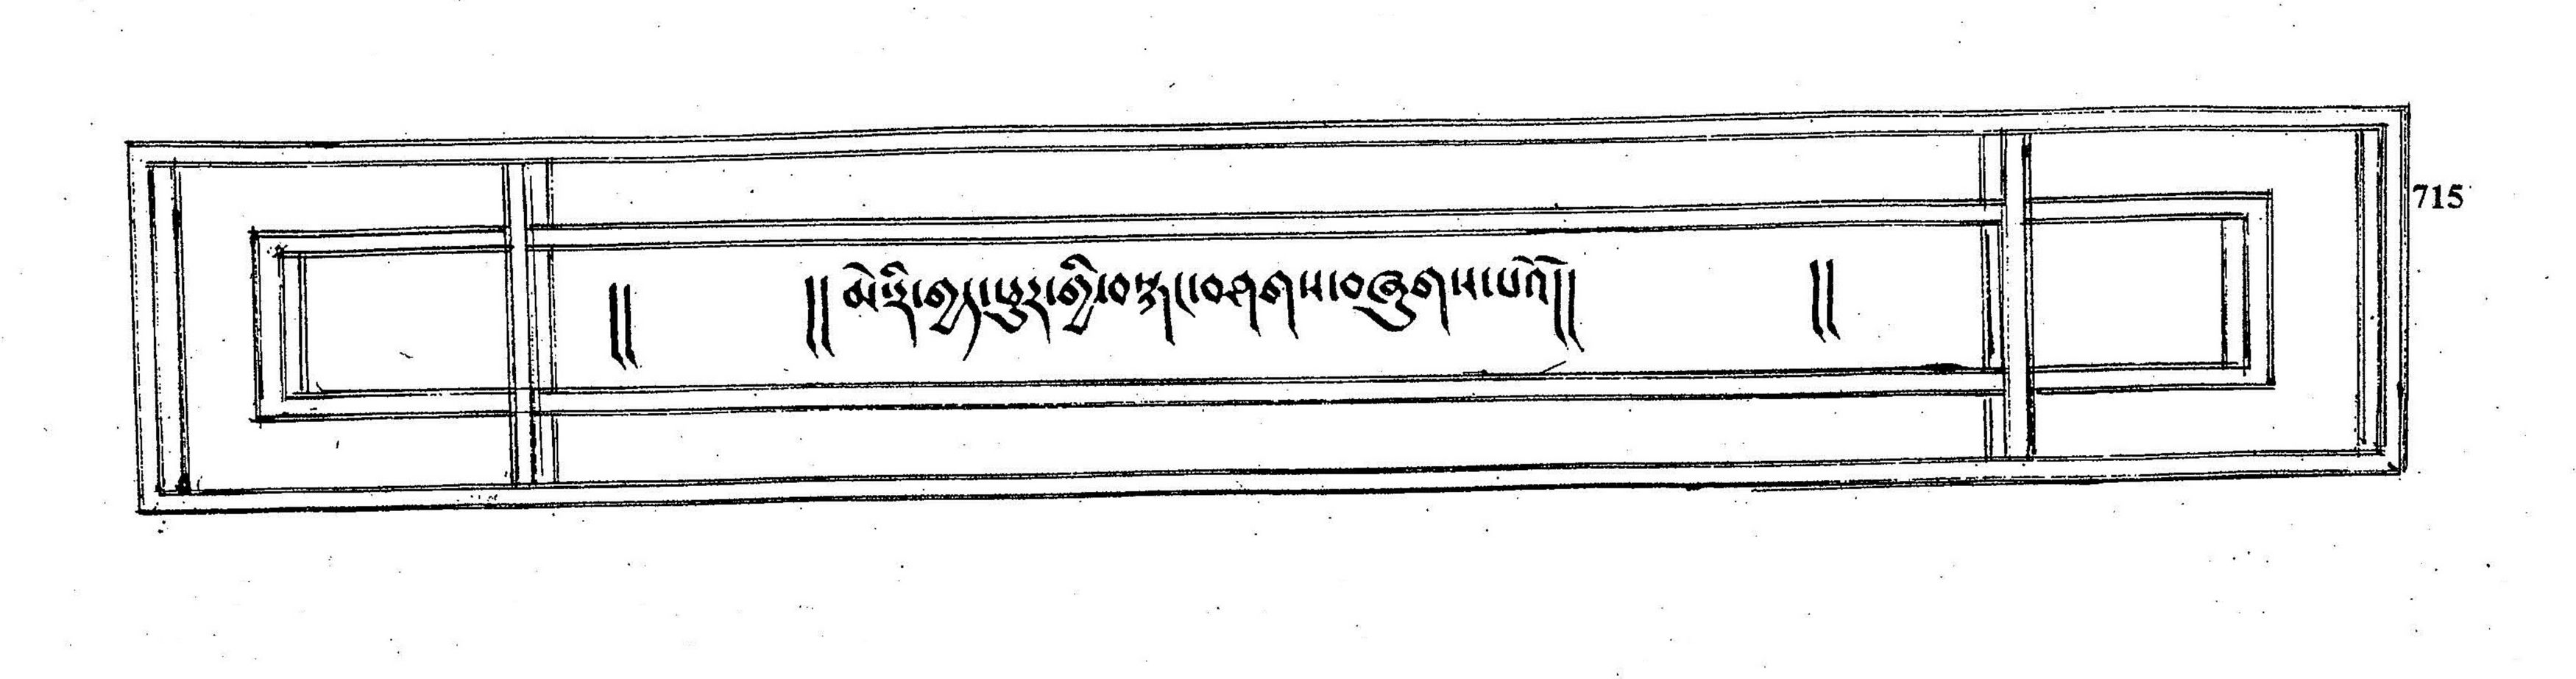།། །།མེ་རི་གྱད་ཕུར་གྱི་བསྐང་བཤགས་བཞུགས་པའོ།། །།